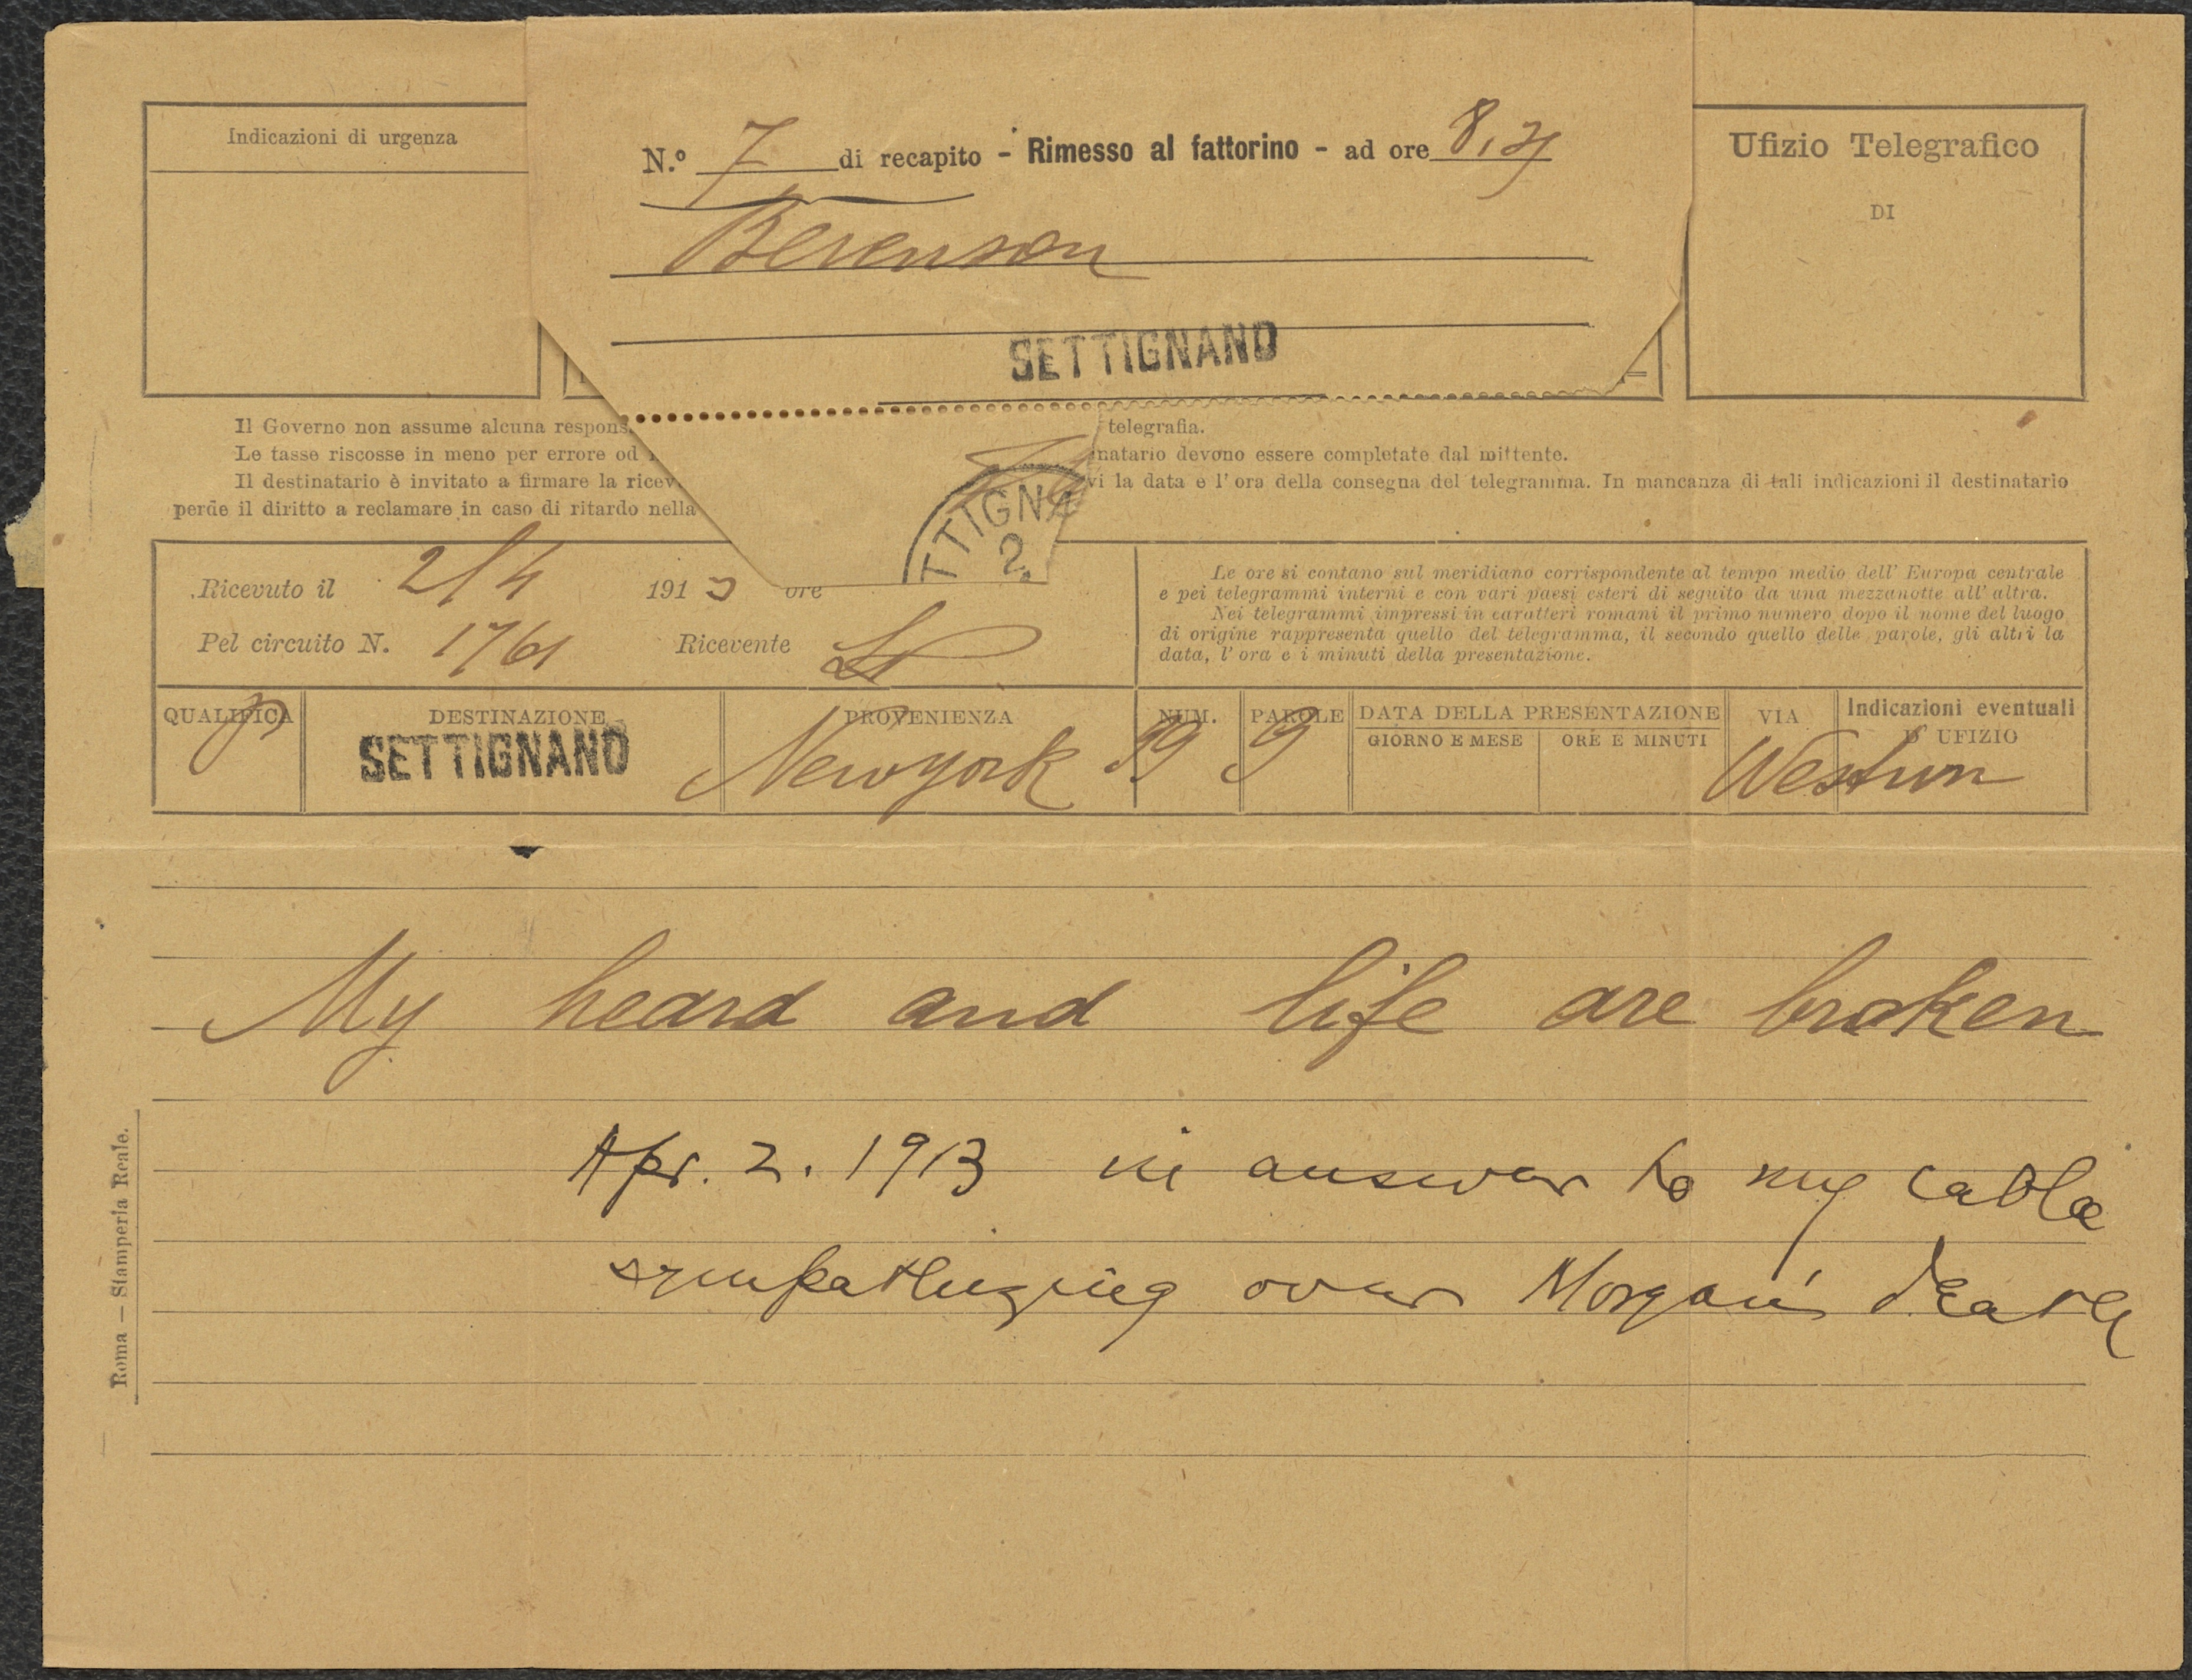My heart and life are broken
[In Berenson’s hand] Apr. 2 1913 in answer to my cable sympathizing over Morgan’s death